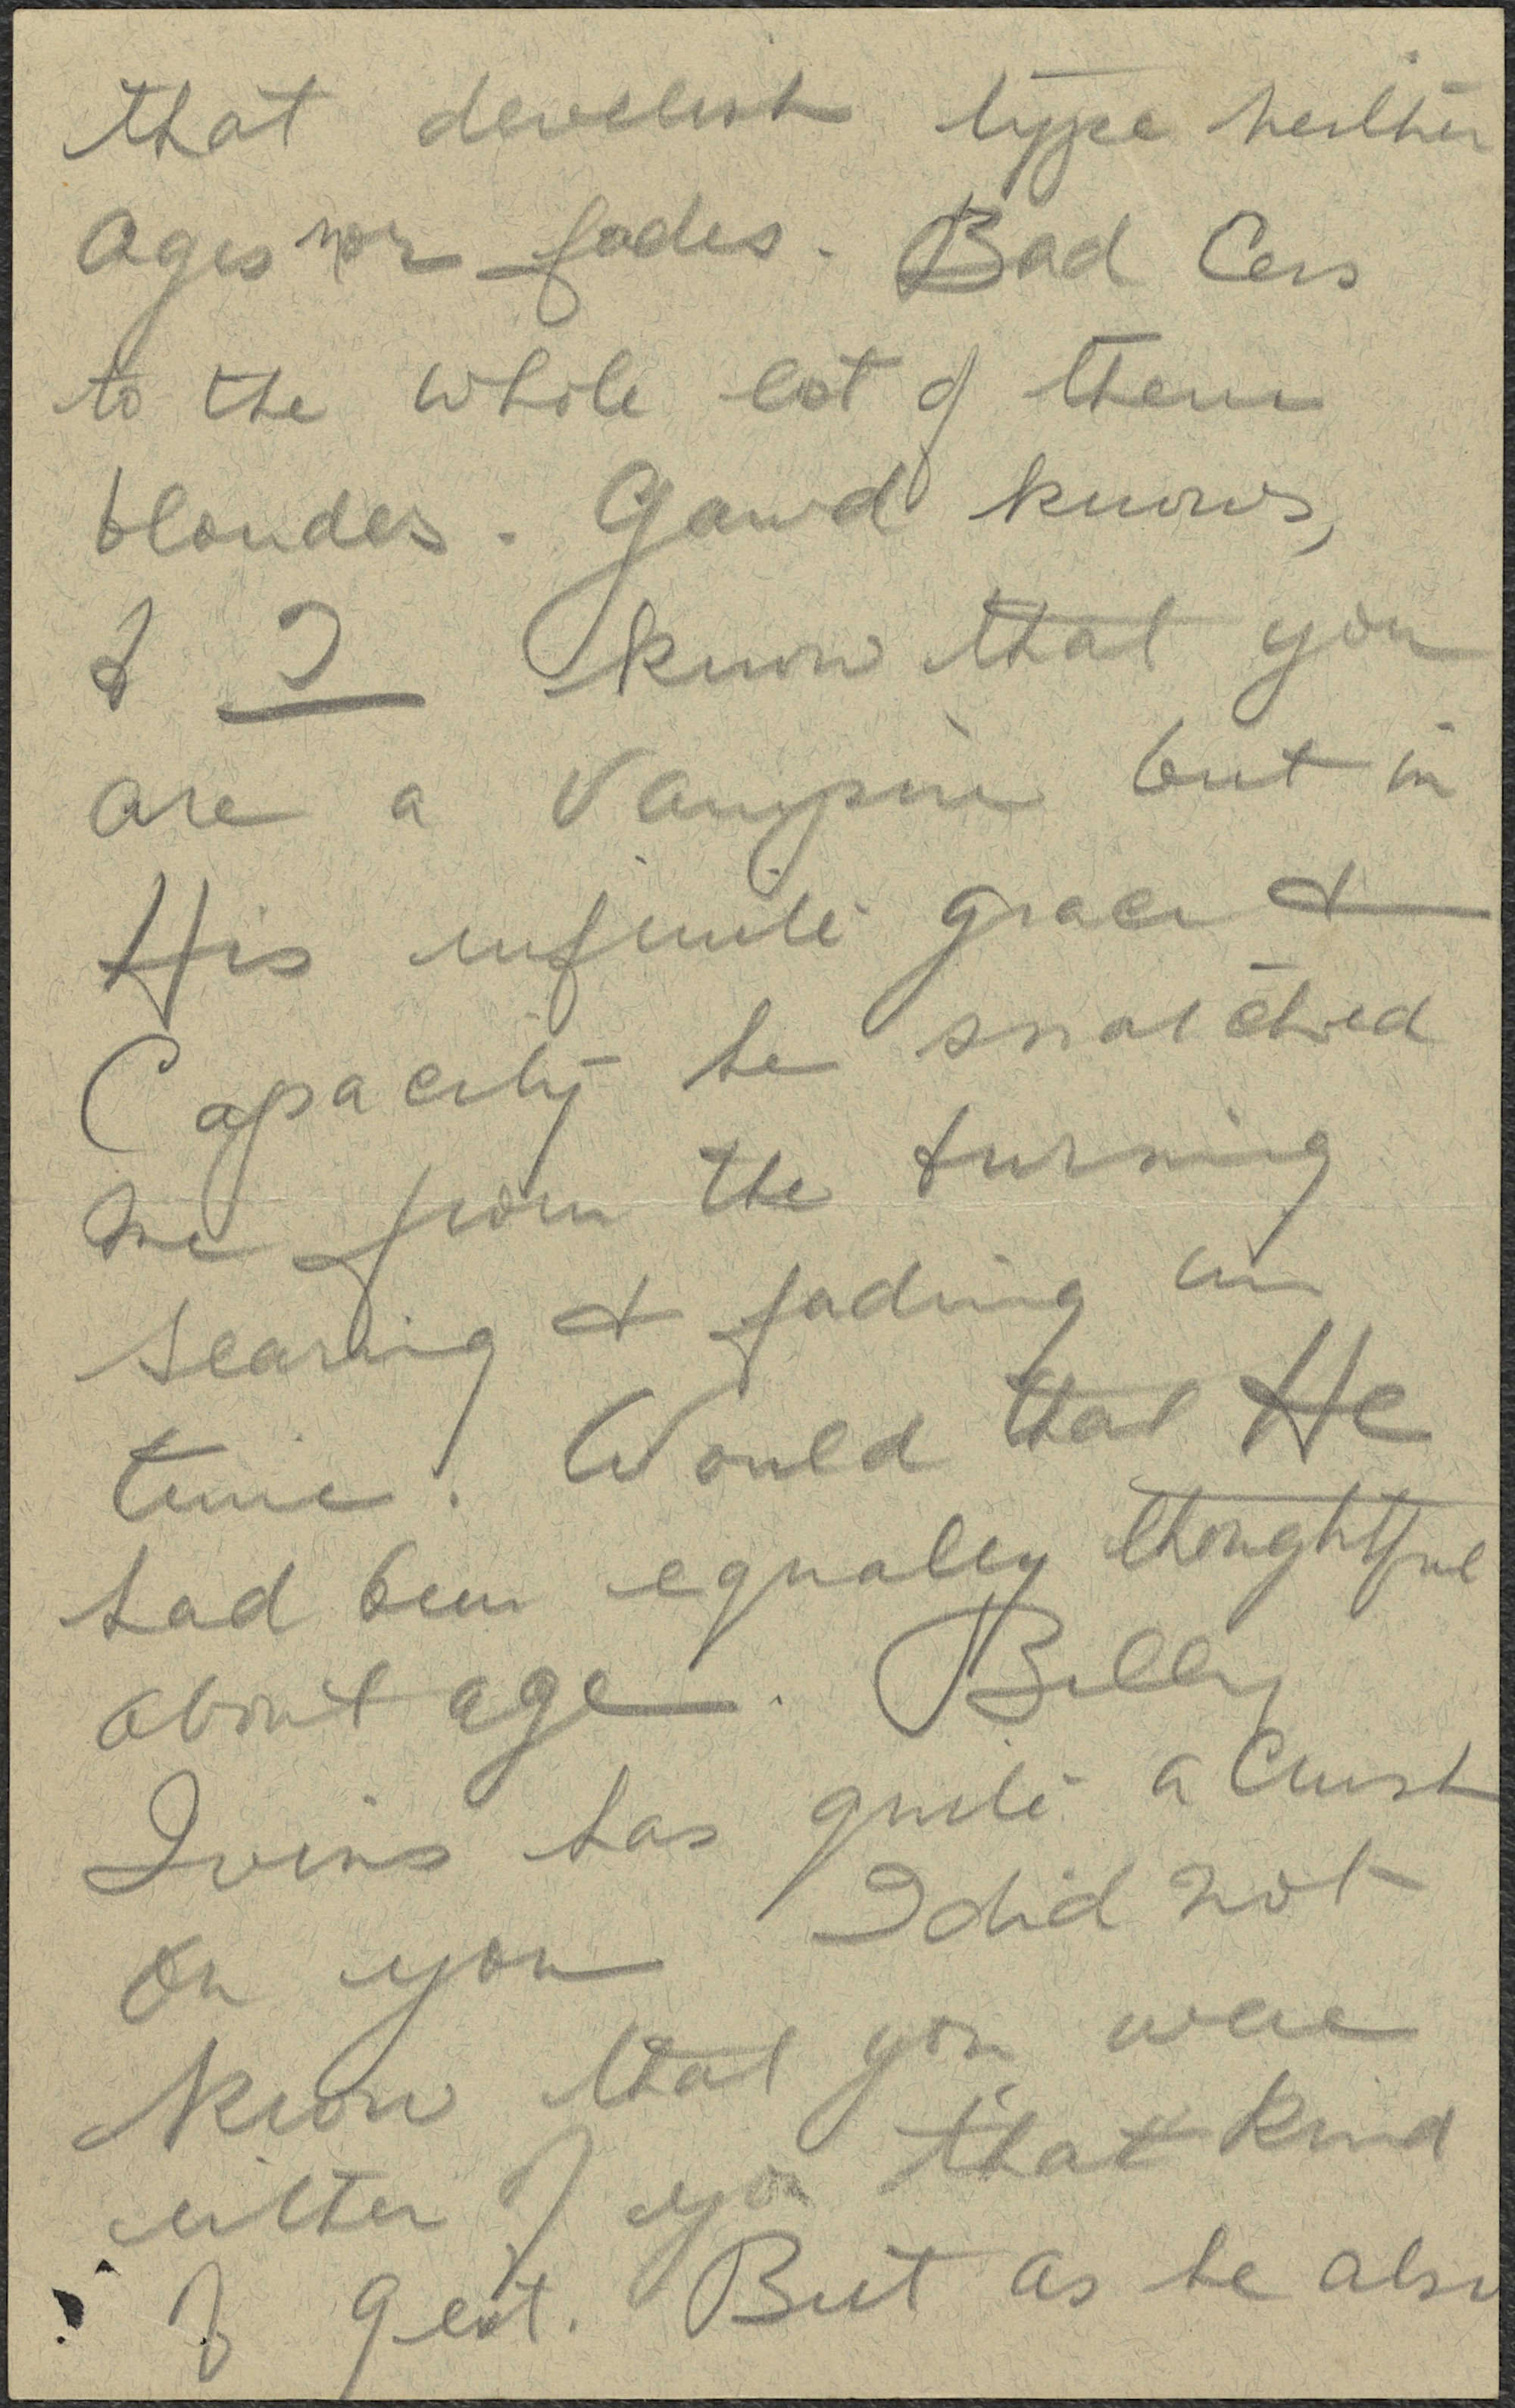that devilish type neither ages nor fades. Bad Cess [?] to the whole lot of them blondes. Gawd knows, & I know that you are a vampire but in His infinite grace & capacity he snatched me from the burning searing & fading in time. Would that He had been equally thoughtful about age. Billy Ivins has quite a crush on you I did not know that you were either of you ‘that’ kind of gent. But as he also